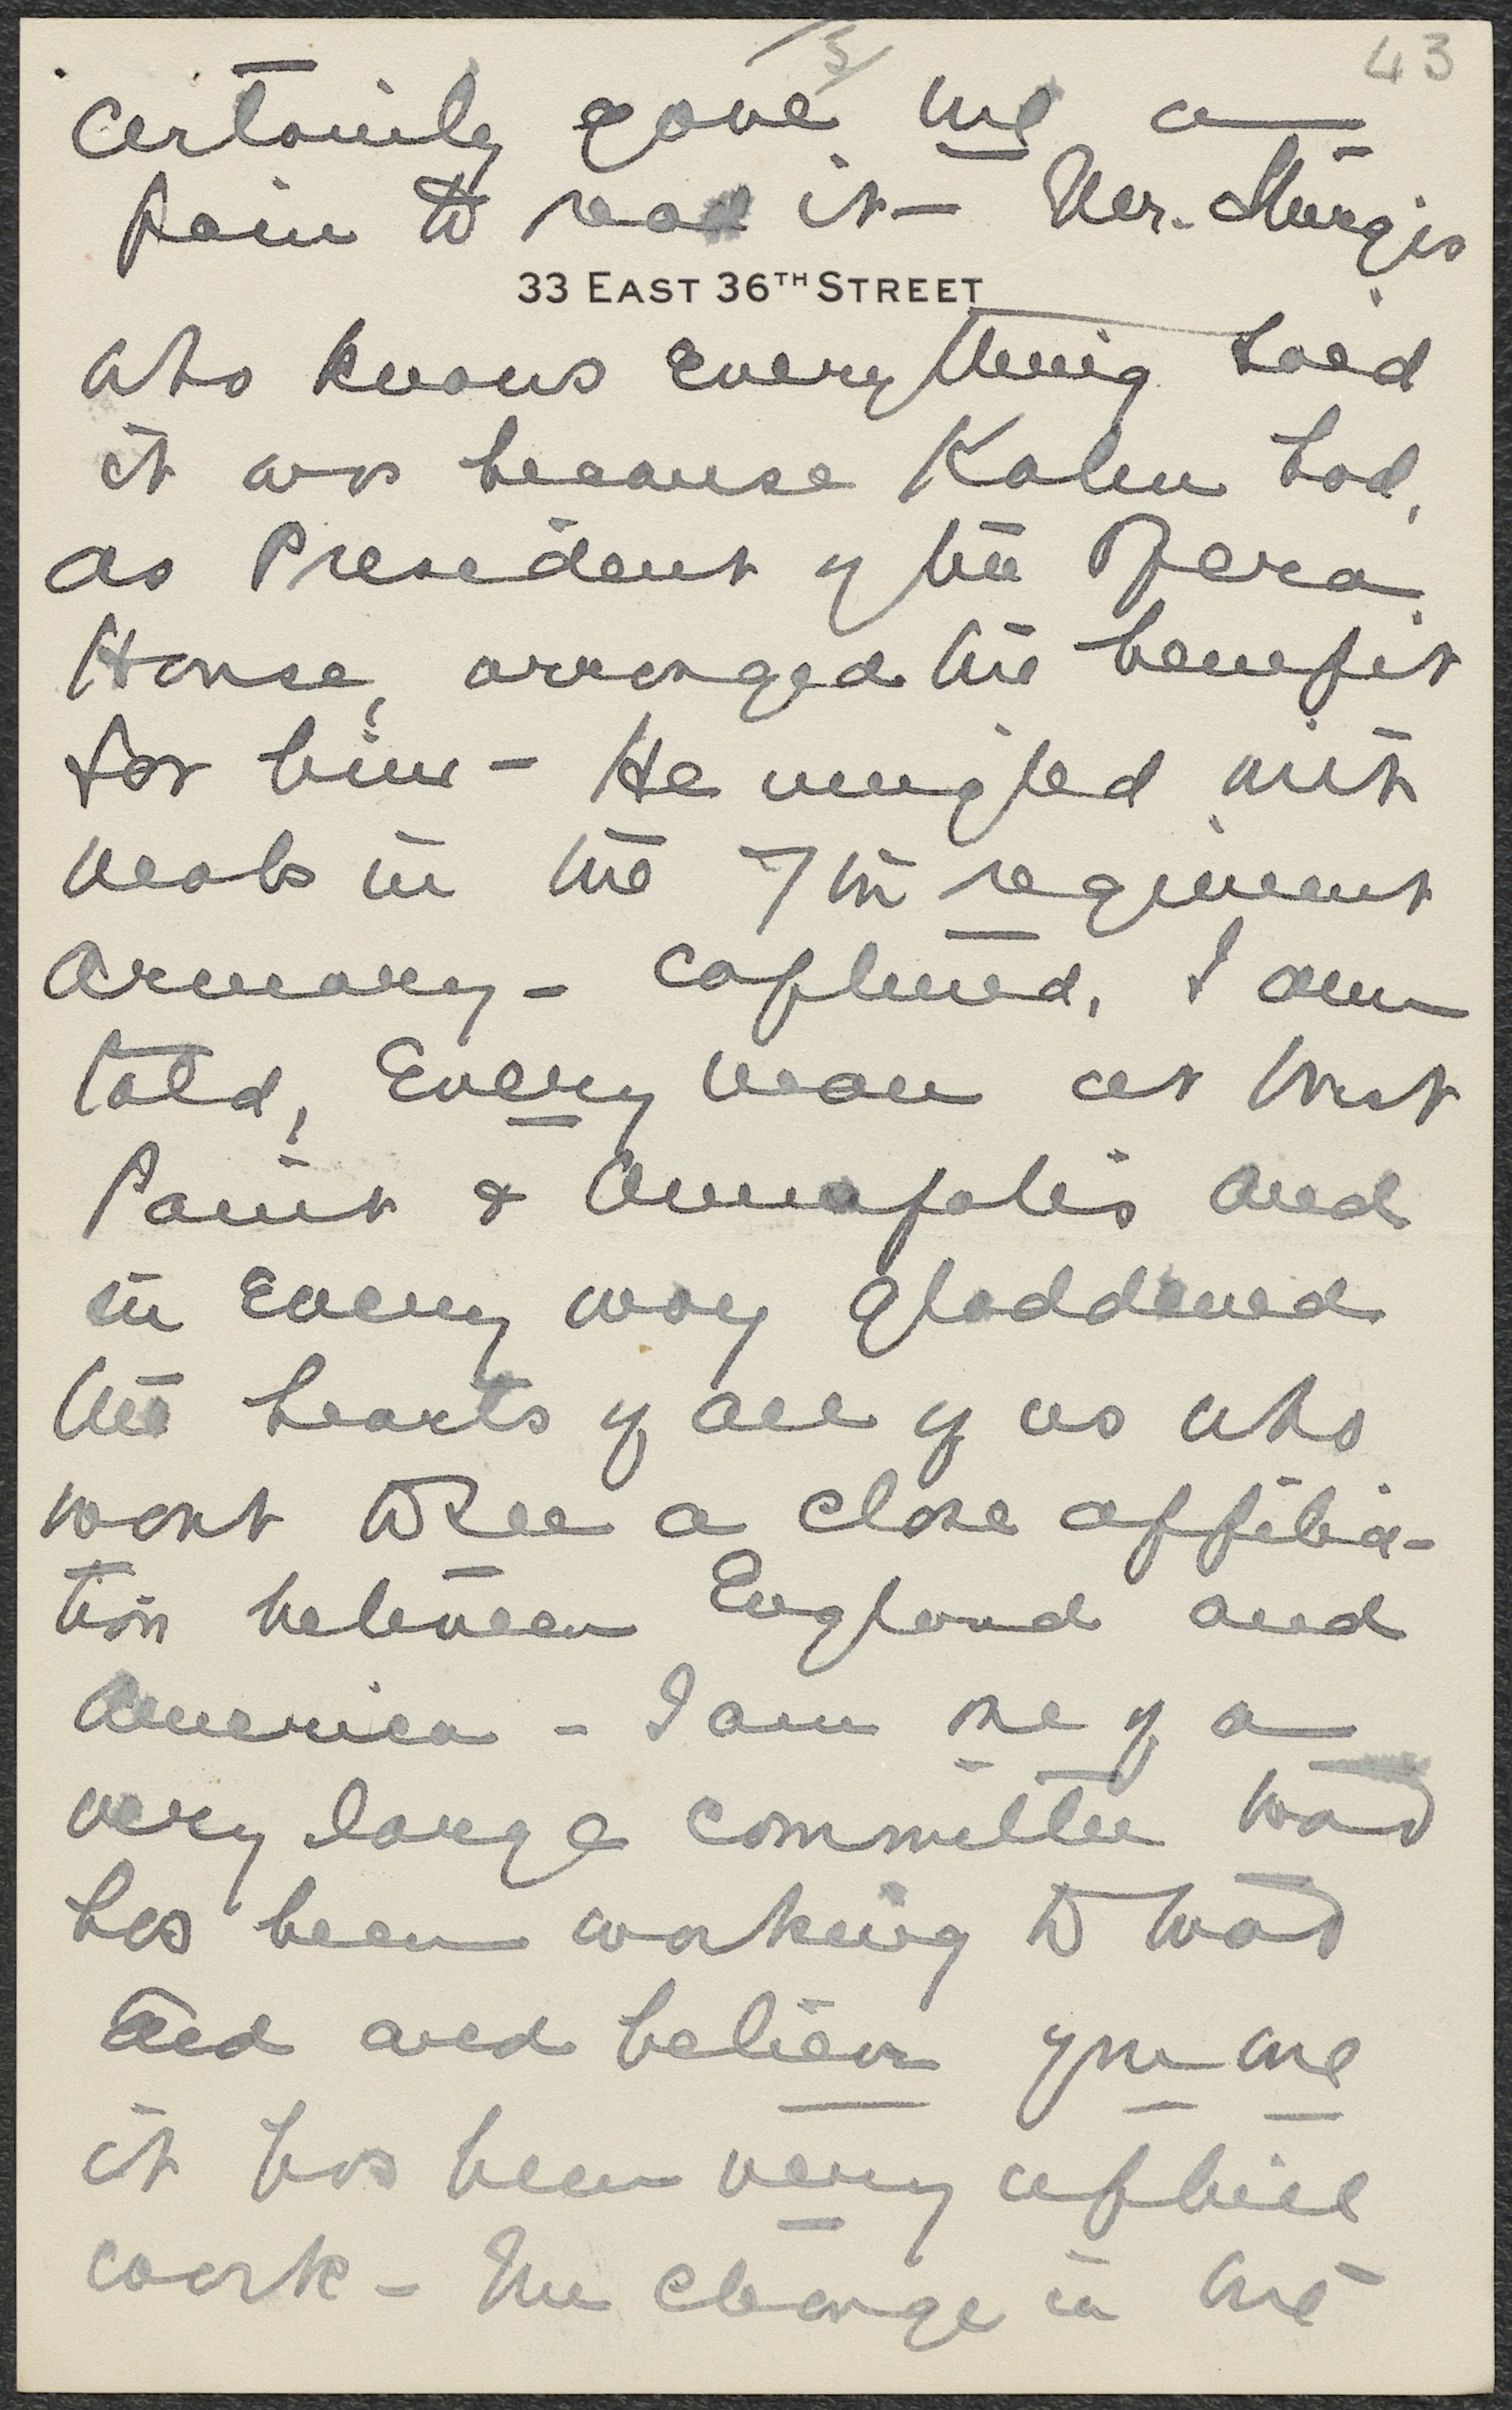certainly gave me a pain to read it – Mr. Sturgis who knows everything said it was because Kahn had, as President of the Opera House, arranged the benefit for him – He mingled with mobs in the 7th regiment Armory – captured, I am told, every man at West Point & Annapolis and in every way gladdened the hearts of all of us who want to see a close affiliation between England and America – I am one of a very large committee that has been working to that end and believe you me it has been very uphill work. The change in the